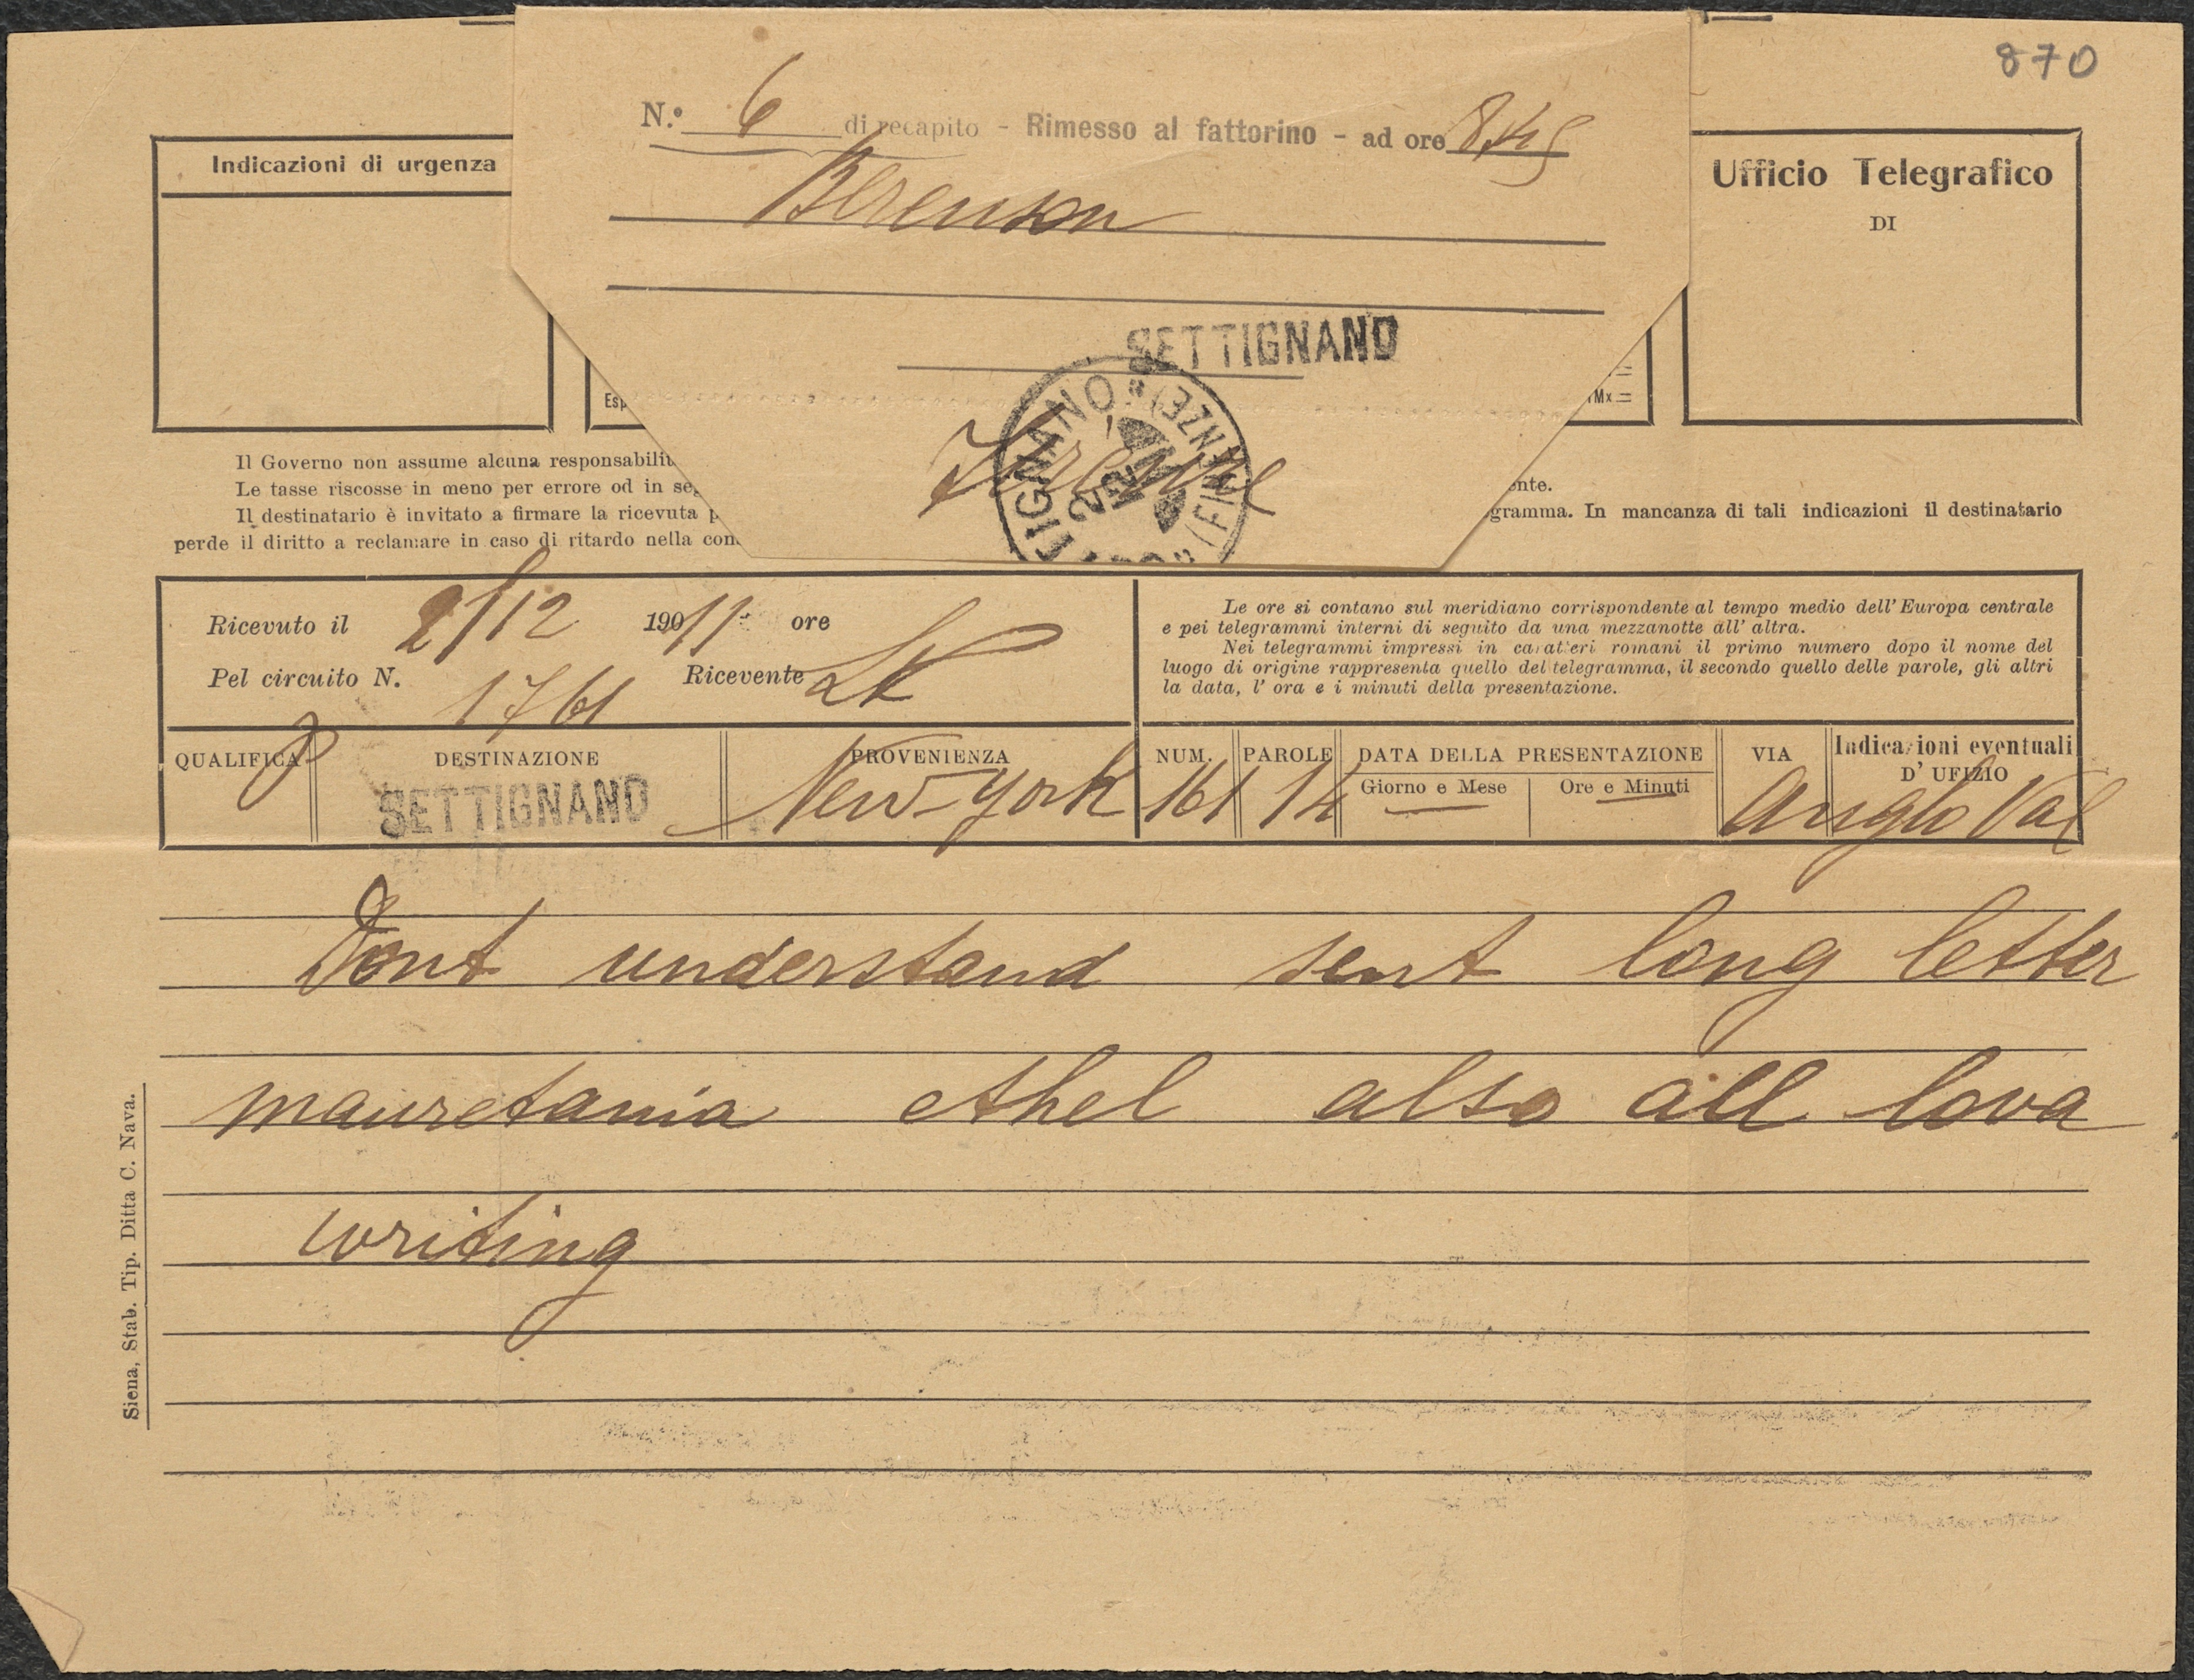Don’t understand sent long letter mauretania ethel also all love writing